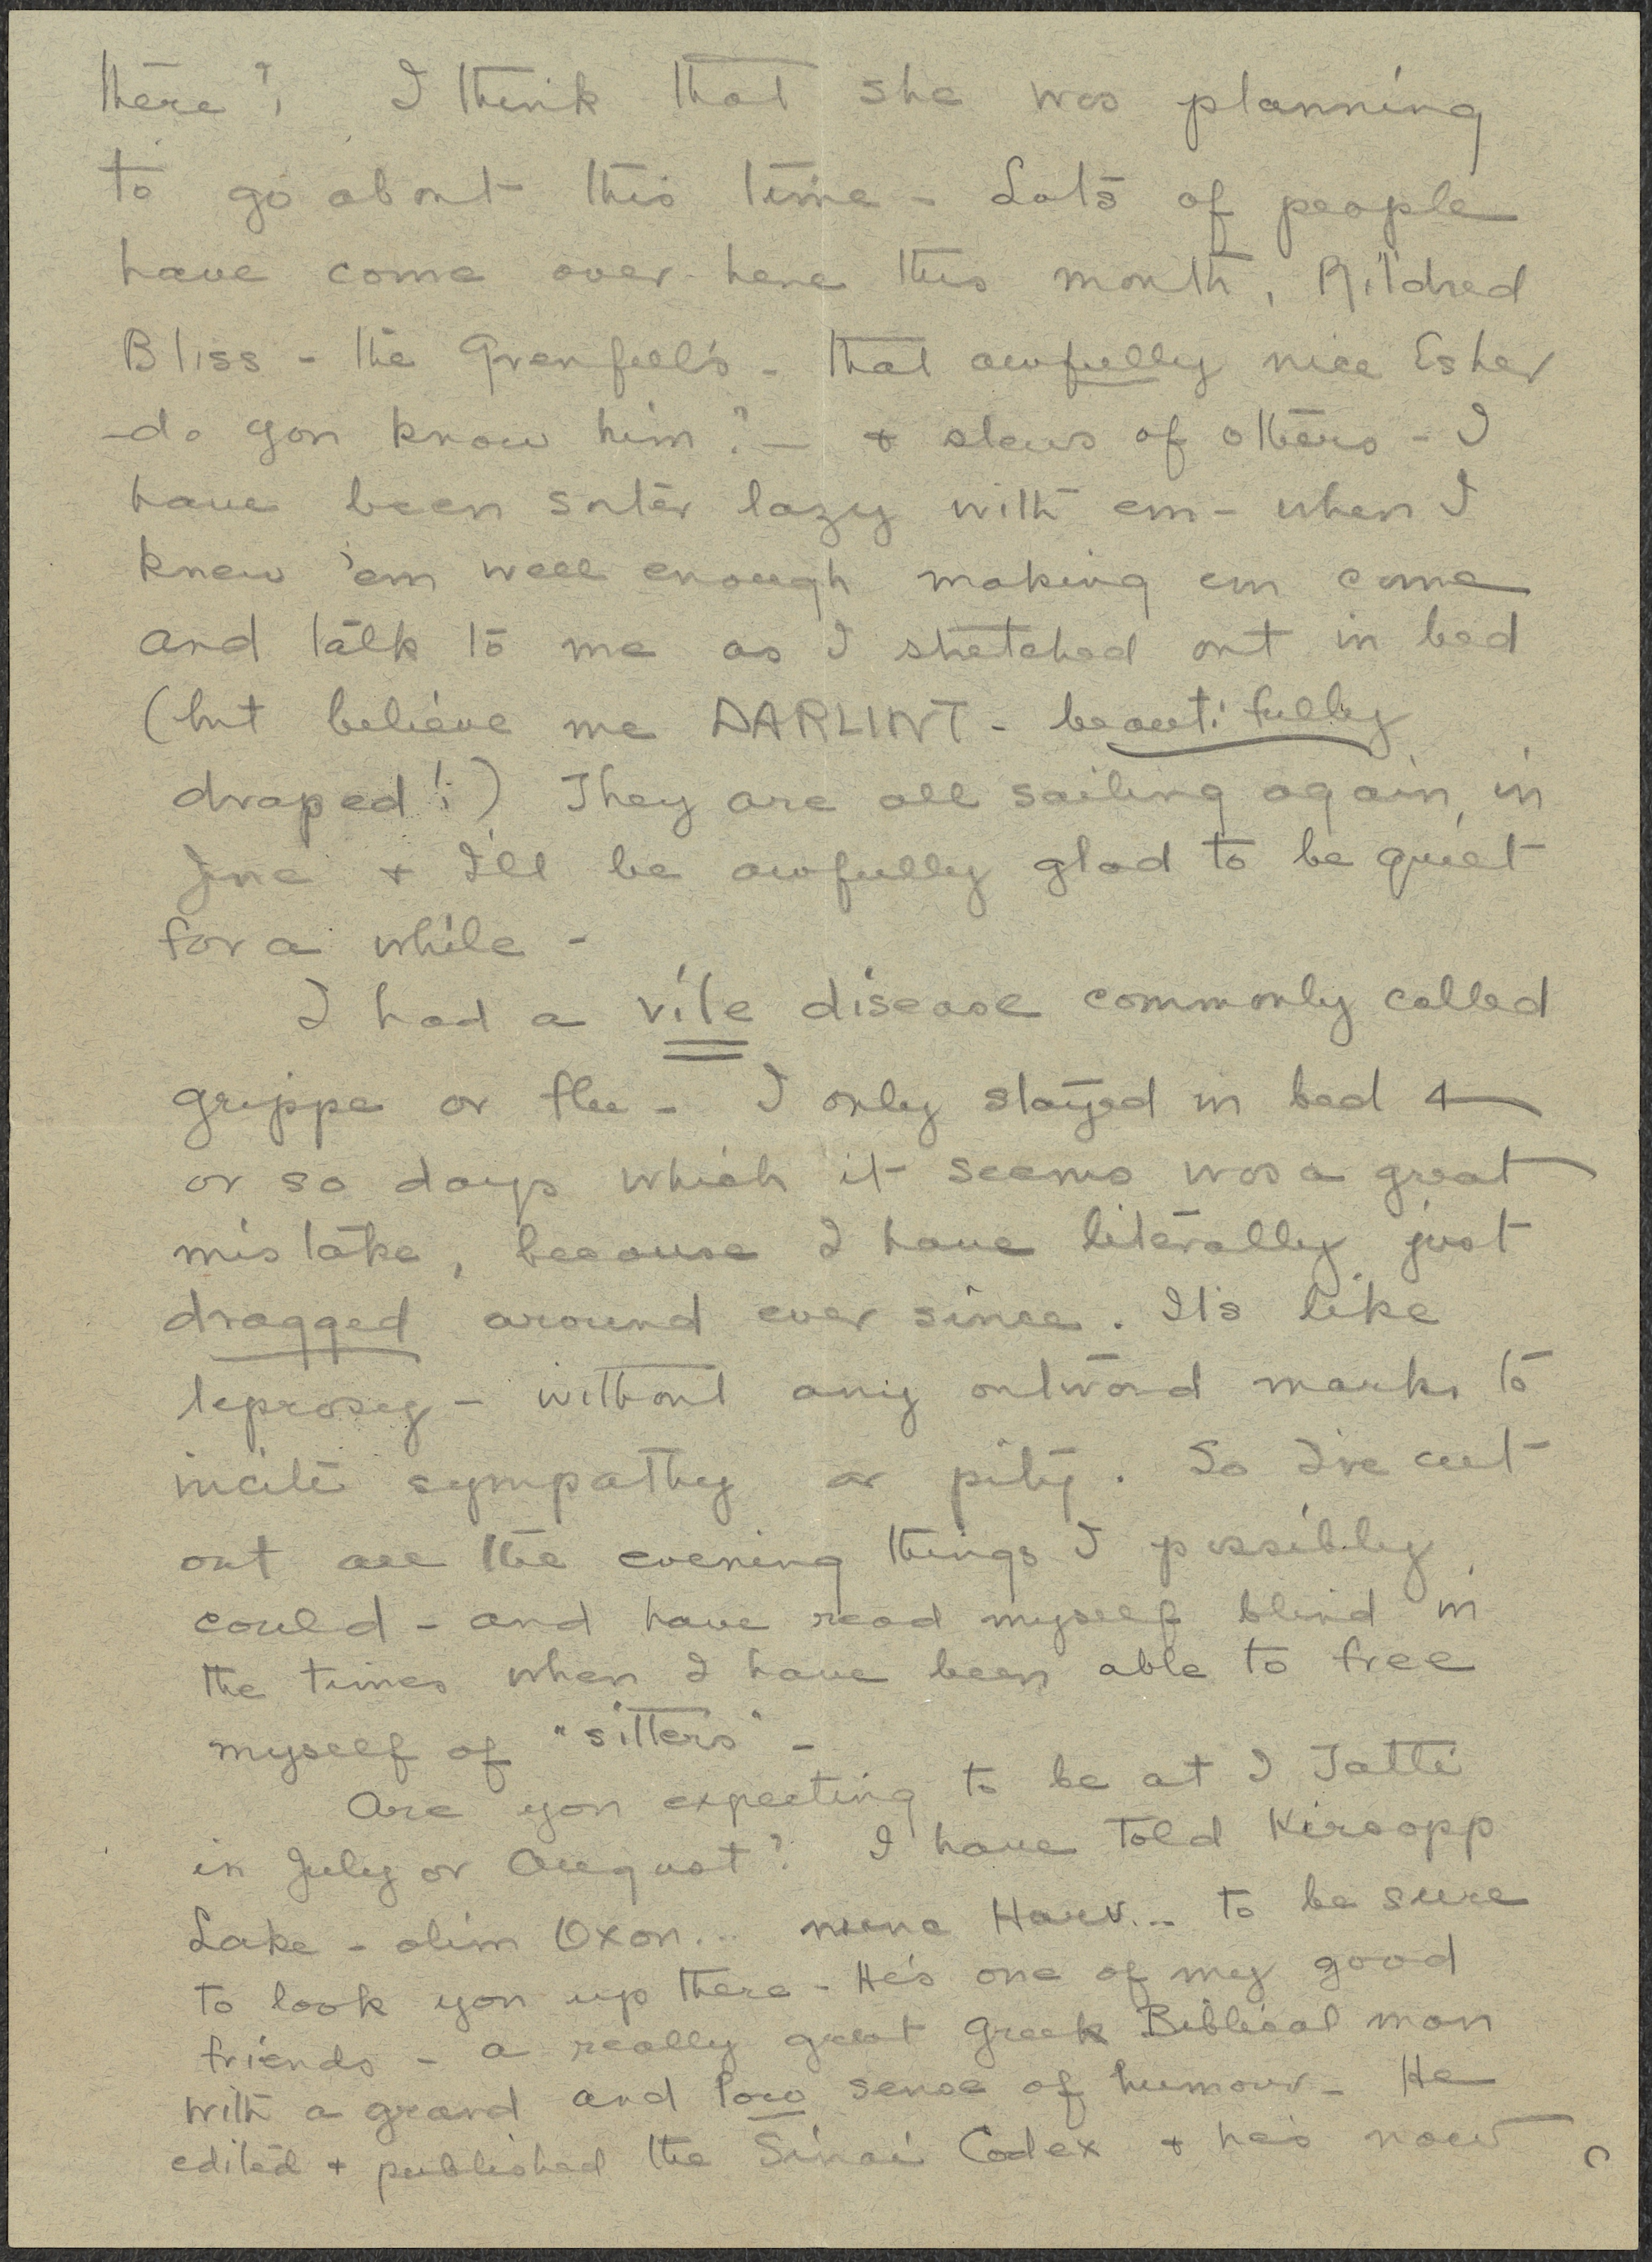there? I think that she was planning to go about this time – Lots of people have come over here this month, Mildred Bliss – the Grenfell’s – that awfully nice Esher – do you know him? – & slews of others – I have been sorter lazy with em – when I knew ‘em well enough making em come and talk to me as I stretched out in bed (but believe me DARLINT – beautifully draped!) They are all sailing again, in June & I’ll be awfully glad to be quiet for a while –
I had a [double underlined: vile] disease commonly called grippe or flu – I only stayed in bed 4 or so days which it seems was a great mistake, because I have literally just dragged around ever since. It’s like leprosy – without any outward marks to incite sympathy or pity. So I’ve cut out all the evening things I possibly could – and have read myself blind in the times when I have been able to free myself of “sitters” –
Are you expecting to be at I Tatti in July or August? I have told Kirsopp Lake – olim Oxon … nuncHarv … to be sure to look you up there – He’s one of my good friends – a really great Greek Biblical man with a grand and low sense of humour – He edited & published the Sinai Codex & he’s now